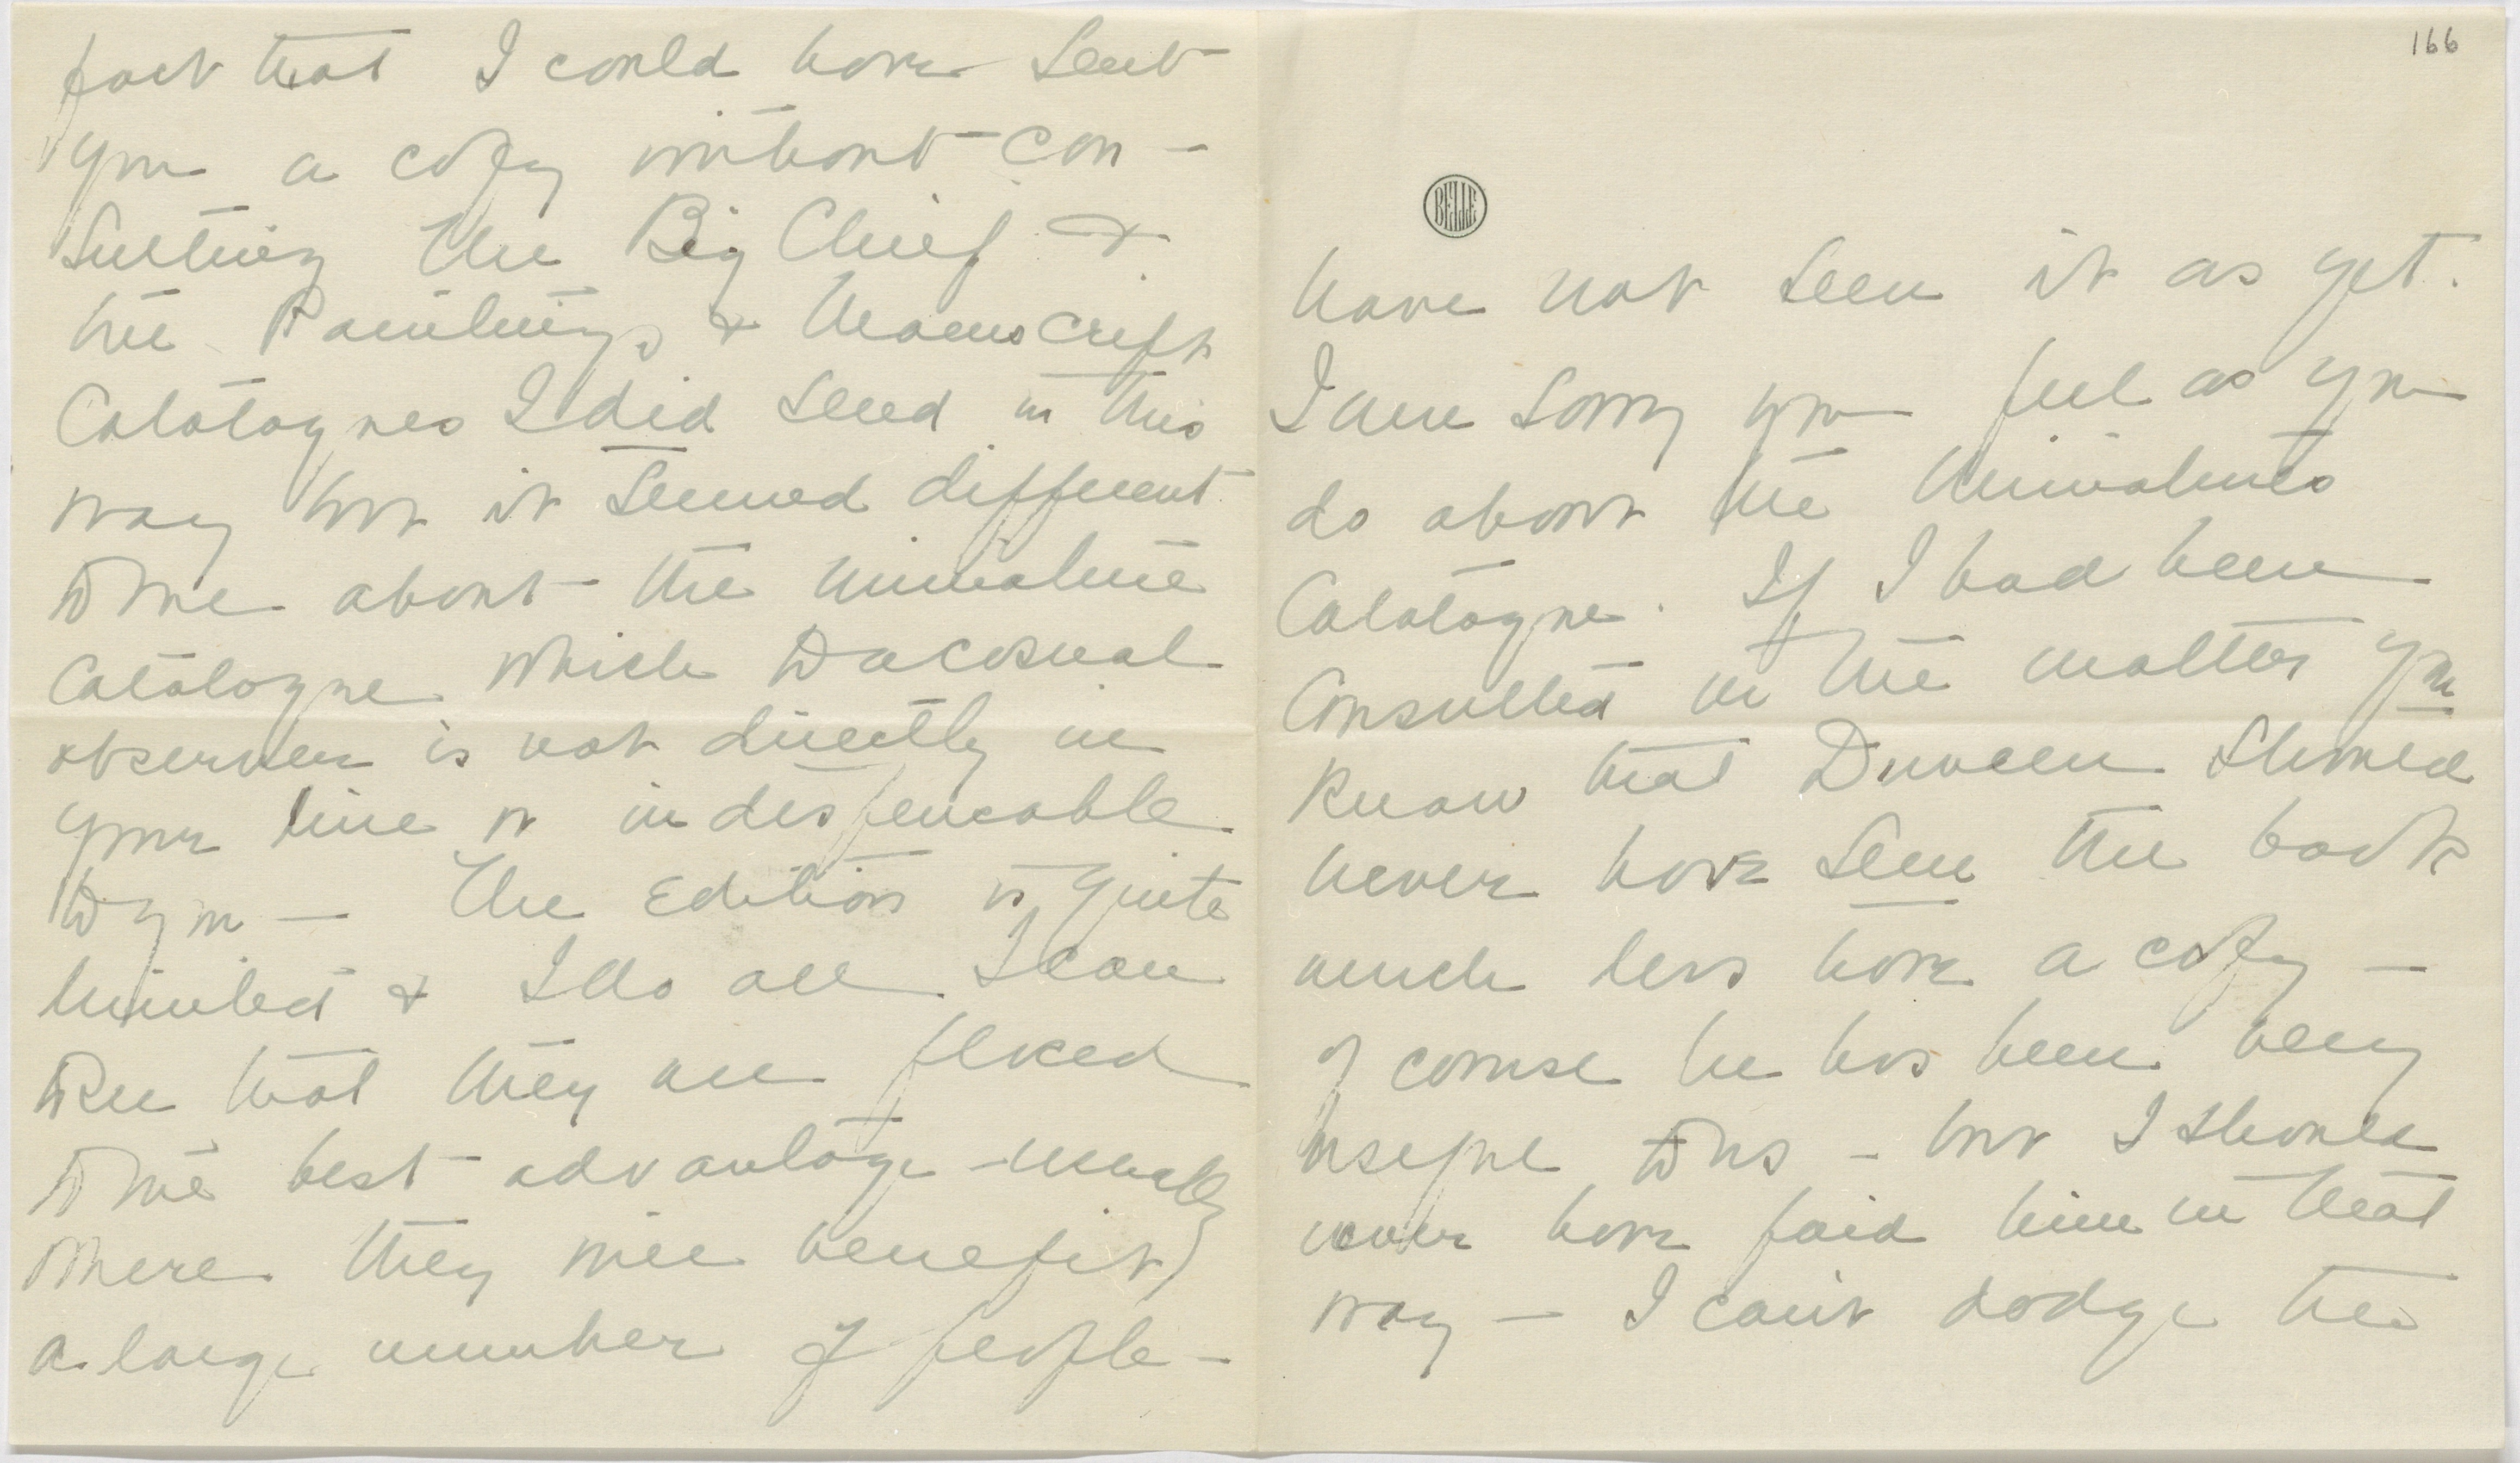have not seen it as yet. I am sorry you feel as you do about the Miniatures Catalogue. If I had been consulted in the matter you know that Duveen should never have seen the book much less have a copy – of course he has been very useful to us – but I should never have paid him in that way – I can’t dodge the
fact that I could have sent you a copy without consulting the Big Chief & the Paintings & Manuscript Catalogues I did send in this way but it seemed different to me about the miniature catalogue which to a casual observer is not directly in your line or indispensable to you – The edition is quite limited & I do all I can to see that they are placed to the best advantage – usually where they will benefit a large number of people –